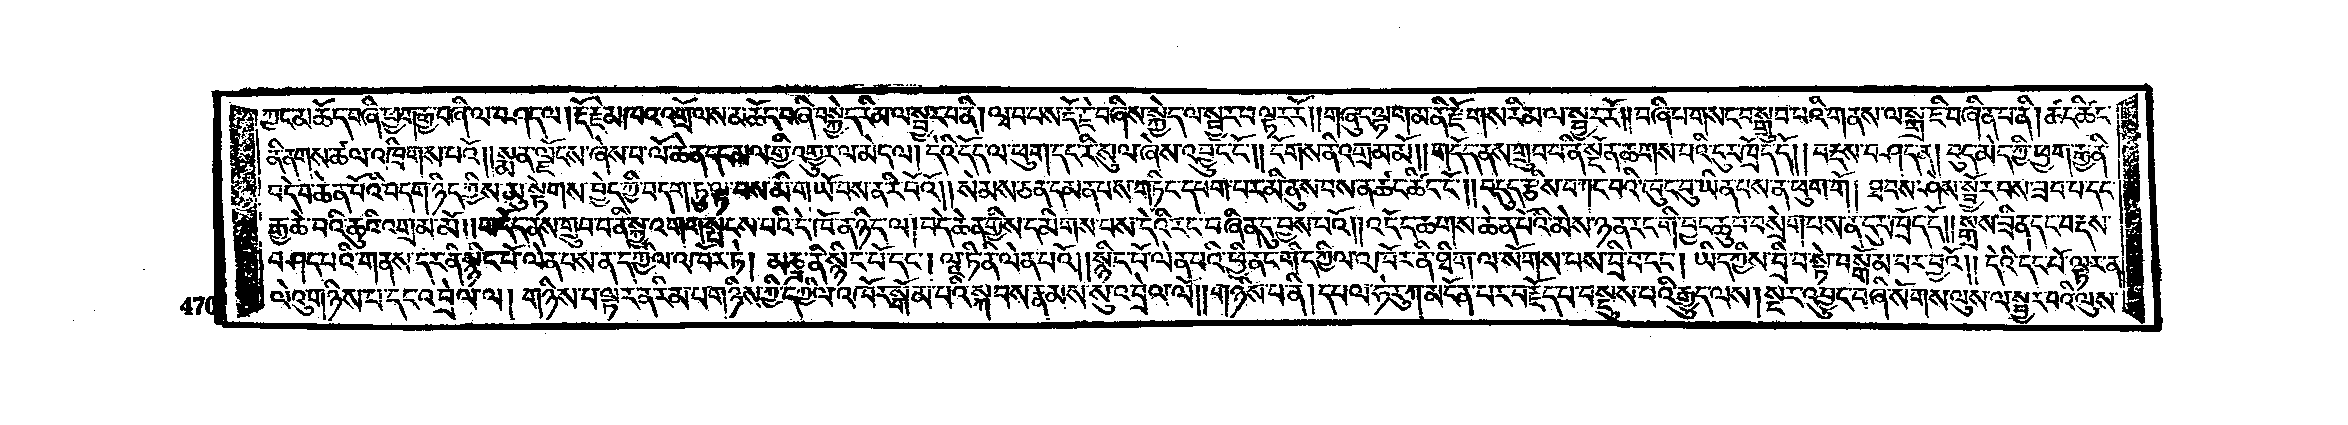ཀྱང་མཆོད་བཞི་ཕྱག་རྒྱ་བཞི་ལ་བཤད་ལ། རྡོ་རྗེ་མཁའ་འགྲོ་ལས་མཆོད་བཞི་བསྐྱེད་རིམ་ལ་སྦྱར་བ་ནི། ལྭ་བ་པས་རྡོ་རྗེ་བཞིས་སྐྱེད་ལ་སྦྱར་བ་ལྟར་རོ། །གཞུང་ལྷག་མ་ནི་རྫོགས་རིམ་ལ་སྦྱར་རོ། །བཞི་པ་གསང་བ་སྒྲུབ་པའི་གནས་ལ་སྒྲ་ཇི་བཞིན་པ་ནི། ཚང་ཚིང་
ནི་ནགས་ཚལ་འཁྲིགས་པའོ། །སྨན་ལྗོངས་ཞེས་པ་ལོ་ཆེན་དང་མལ་གྱི་འགྱུར་ལ་མེད་ལ། དེའི་དོད་ལ་ཕུག་དང་རི་སུ་ལ་ཞེས་འབྱུང་ངོ། །ངོགས་ནི་འགྲམ་མོ། །གདོད་ནས་གྲུབ་པ་ནི་སྔོན་ཆགས་པའི་དུར་ཁྲོད་དོ། །བརྡས་བཤད་ན། བུད་མེད་ཀྱི་ཕྱག་རྒྱ་ནི་
བདེ་བ་ཆེན་པོའི་བདག་ཉིད་ཀྱིས་མུ་སྟེགས་བྱེད་ཀྱི་བདག་ཏུ་ལྟ་བས་མི་གཡོ་བས་ན་རི་བོའོ། །སེམས་ཅན་དམན་པས་གཏིང་དཔག་པར་མི་ནུས་པས་ན་ཚང་ཚིང་ངོ། །བདུད་རྩིས་བཀང་བའི་ཁུང་བུ་ཡིན་པས་ན་ཕུག་གོ །ཐབས་ཤེས་སྦྱོར་བས་ཟབ་པ་དང་
རྒྱ་ཆེ་བའི་ཆུའི་འགྲམ་མོ། །གདོད་ནས་གྲུབ་པ་ནི་སྐྱ་འགག་སྤངས་པའི་དེ་ཁོ་ན་ཉིད་ལ། བདེ་ཆེན་གྱིས་དམིགས་པས་དེའི་རང་བཞིན་དུ་བྱས་པའོ། །འདོད་ཆགས་ཆེན་པོའི་མེས་ཉན་རང་གི་བྱང་ཆུབ་བསྲེག་པས་ན་དུར་ཁྲོད་དོ། །སྒྲས་ཟིན་དང་བརྡས་
བཤད་པའི་གནས་དར་ནི་སྙིང་པོ་ལེན་པས་ན་དཀྱིལ་འཁོར་ཏེ། མཎྜ་ནི་སྙིང་པོ་དང་། ལཱ་ཏི་ནི་ལེན་པའོ། །སྙིང་པོ་ལེན་པའི་ཕྱི་ནང་གི་དཀྱིལ་འཁོར་ནི་ཐིག་ལ་སོགས་པས་བྲི་བ་དང་། ཡིད་ཀྱིས་བྲི་བ་སྟེ་བསྒོམ་པར་བྱའོ། །དེའི་དང་པོ་ལྟར་ན་
ལེའུ་གཉིས་པ་དང་འབྲེལ་ལ། གཉིས་པ་ལྟེར་ན་རིམ་པ་གཉིས་ཀྱི་དཀྱིལ་འཁོར་སྒོམ་པའི་སྐབས་རྣམས་སུ་འབྲེལ་ལོ། །གཉིས་པ་ནི། དཔལ་ཧེ་རུ་ཀ་མངོན་པར་བརྗོད་པ་བསྡུས་པའི་རྒྱུད་ལས། སྔར་འབྱུང་བཞི་སོགས་ལུས་ལ་སྦྱར་བའི་ལུས་